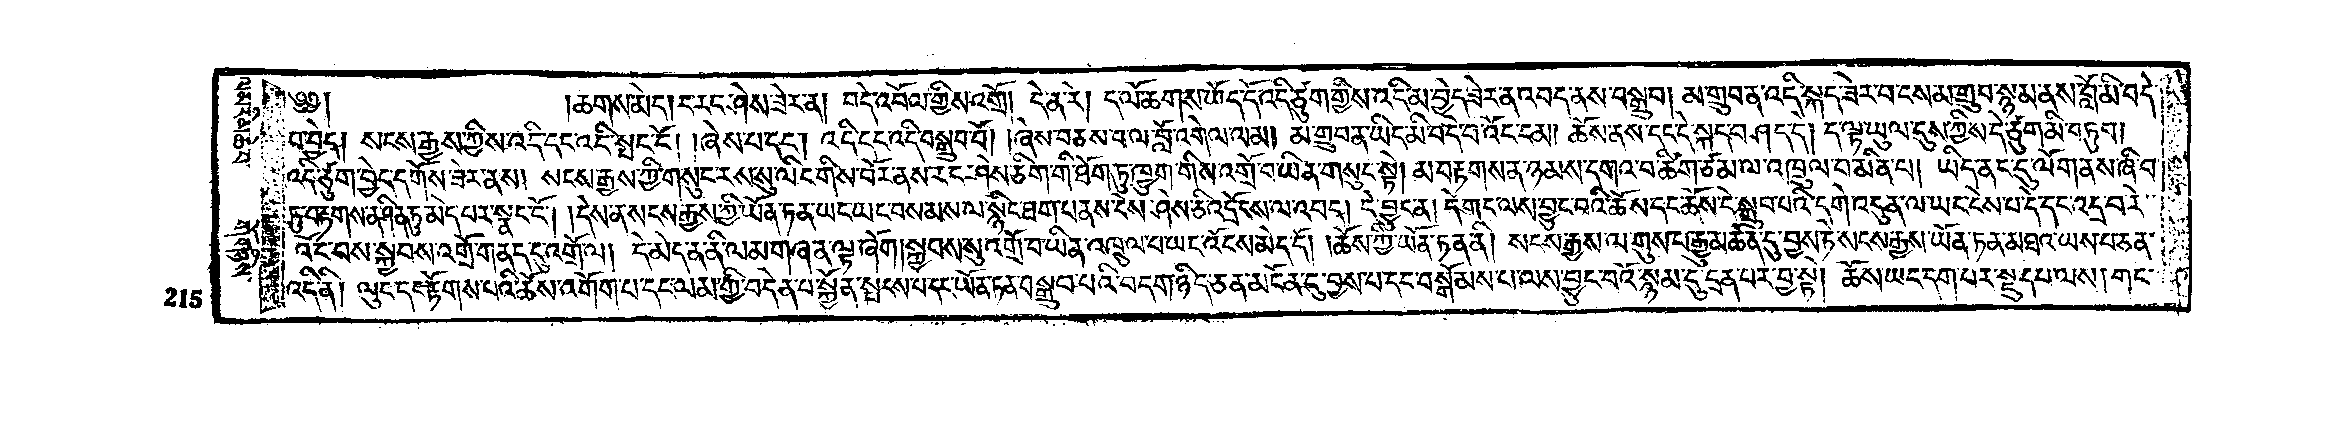༄༅། །ཆགས་མེད། ང་རང་ཤེས་ཟེར་ན། བདེ་འབོལ་གྱིས་འགྲོ། དེ་ན་རེ། ད་ལོ་ཆགས་ཡོད་དོ་འདི་ཙུག་གྱིས་འདི་མ་བྱེད་ཟེར་ན་འབད་ནས་བསྒྲུབ། མ་གྲུབ་ན་འདི་སྐད་ཟེར་བ་ངས་མ་གྲུབ་སྙམ་ནས་བློ་མི་བདེ་
བ་བྱེད། སངས་རྒྱས་ཀྱིས་འདི་དང་འདི་སྤང་ངོ། །ཞེས་པ་དང་། འདི་དང་འདི་བསྒྲུབ་བོ། །ཞེས་བཅས་པ་ལ་བློ་འགེལ་ལམ། མ་གྲུབ་ན་ཡིད་མི་བདེ་བ་འོང་ངམ། ཆོས་ནས་དང་དེ་སྐད་བཤད་དེ། ད་ལྟ་ཡུལ་དུས་ཀྱིས་དེ་ཙུག་མི་བཏུབ།
འདི་ཙུག་བྱེད་དགོས་ཟེར་ནས། སངས་རྒྱས་ཀྱི་གསུང་རས་སུ་ལིང་གིས་བོར་ནས་རང་ཤེས་ཅིག་གི་ཐོག་ཏུ་ཁྱུག་གིས་འགྲོ་བ་ཡིན་གསུང་སྟེ། མ་བརྟགས་ན་ཉམས་དགའ་བ་ཚིག་ཙམ་ལ་འཁྲུལ་བ་མིན་པ། ཡིད་ནང་དུ་ལོག་ནས་ཞིབ་
ཏུ་བརྟགས་ན་ཤིན་ཏུ་མེད་པར་སྣང་ངོ། །དེས་ན་སངས་རྒྱས་ཀྱི་ཡོན་ཏན་ཡང་ཡང་བསམས་ལ་སྙིང་ཐག་པ་ནས་ངེས་ཤེས་ཅི་འདྲོངས་ལ་འབད། དེ་བྱུང་ན། དེ་གང་ལས་བྱུང་བའི་ཆོས་དང་ཆོས་དེ་སྒྲུབ་པའི་དགེ་འདུན་ལ་ཡང་ངེས་པ་དེ་དང་འདྲ་བ་རེ་
འོང་བས་སྐྱབས་འགྲོ་གནད་དུ་འགྲོ་ལ། དེ་མེད་ན་ནི་ལམ་གཞན་ལྟ་ཞོག །སྐྱབས་སུ་འགྲོ་བ་ཡིན་འབུལ་བ་ཡང་འོངས་མེད་དོ། །ཆོས་ཀྱི་ཡོན་ཏན་ནི། སངས་རྒྱས་ལ་གུས་པ་རྒྱུ་མཚན་དུ་བྱས་ཏེ་སངས་རྒྱས་ཡོན་ཏན་མཐའ་ཡས་པ་ཅན་
འདི་ནི། ལུང་དང་རྟོགས་པའི་ཆོས་འགོག་པ་དང་ལམ་གྱི་བདེན་པ་སྐྱོན་སྤངས་པ་དང་ཡོན་ཏན་བསྒྲུབ་པའི་བདག་ཉིད་ཅན་མངོན་དུ་བྱས་པ་དང་བསྒོམས་པ་ལས་བྱུང་བའོ་སྙམ་དུ་དྲན་པར་བྱ་སྟེ། ཆོས་ཡང་དག་པར་སྡུད་པ་ལས། གང་